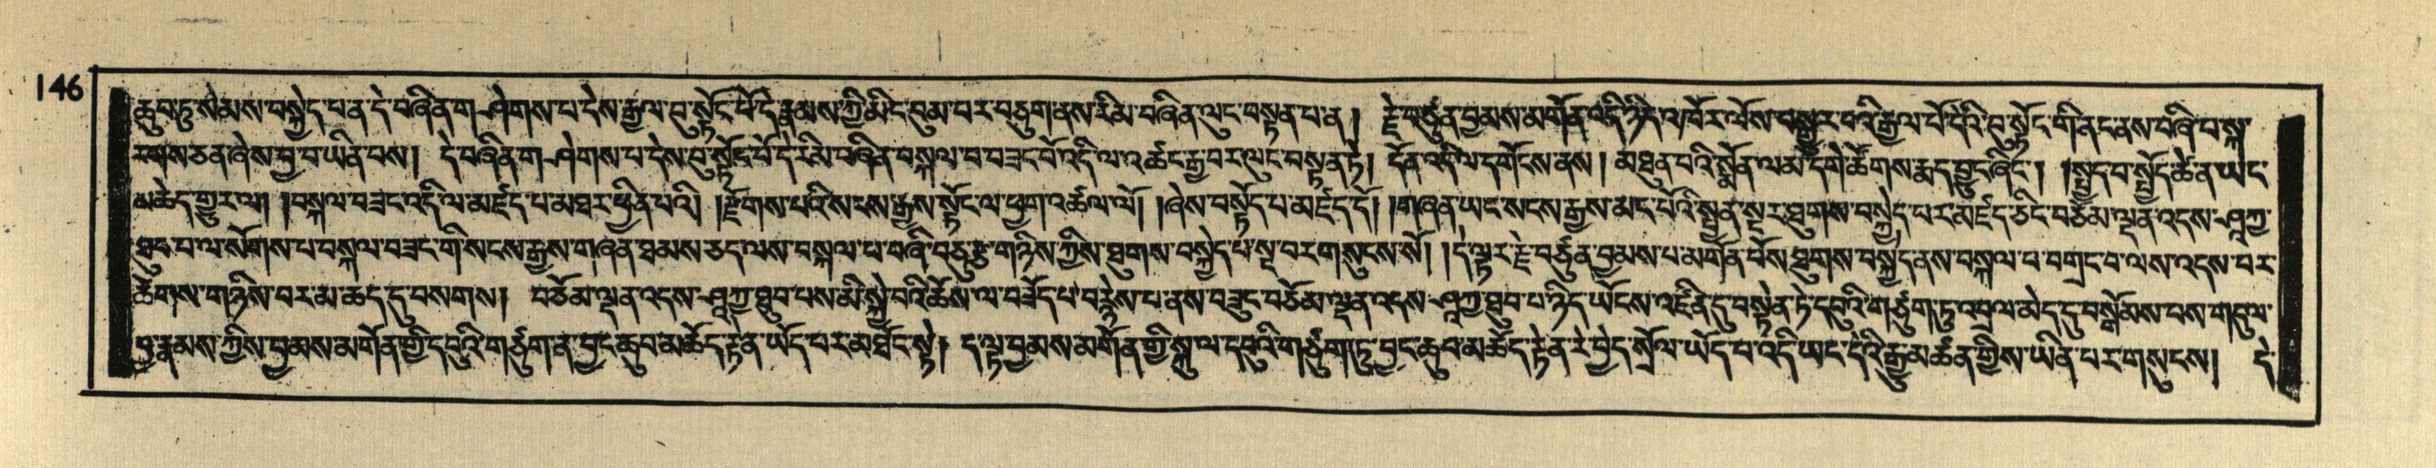ཆུབ་ཏུ་སེམས་བསྐྱེད་པ་ན་དེ་བཞིན་གཤེགས་པ་དེས་རྒྱལ་བུ་སྟོང་པོ་དེ་རྣམས་ཀྱི་མིང་བུམ་པར་བཅུག་ནས་རིམ་བཞིན་ལུང་བསྟན་པ་ན། རྗེ་བཙུན་བྱམས་མགོན་འདི་ཉིད་འཁོར་ལོས་བསྒྱུར་བའི་རྒྱལ་པོ་དེའི་བུ་སྟོང་གི་ནང་ནས་བཞི་བ་སྐ་
རགས་ཅན་ཞེས་བྱ་བ་ཡིན་པས། དེ་བཞིན་གཤེགས་པ་དེས་བུ་སྟོང་པོ་དེ་རིམ་བཞིན་བསྐལ་བ་བཟང་པོ་འདི་ལ་འཚང་རྒྱ་བར་ལུང་བསྟན་ཏེ། དོན་འདི་ལ་དགོངས་ནས། མཐུན་པའི་སྨོན་ལམ་དགེ་ཚོགས་རྨད་བྱུང་ཞིང་། །སྤྱད་པ་སྤྱོད་ཚེ་ན་ཡང་
མཆེད་གྱུར་ལ། །བསྐལ་བཟང་འདི་ལ་མཛད་པ་མཐར་ཕྱིན་པའི། །རྫོགས་པའི་སངས་རྒྱས་སྟོང་ལ་ཕྱག་འཚལ་ལོ། །ཞེས་བསྟོད་པ་མཛད་དོ། །གཞན་ཡང་སངས་རྒྱས་མང་པོའི་སྤྱན་སྔར་ཐུགས་བསྐྱེད་པར་མཛད་ཅིང་བཅོམ་ལྡན་འདས་ཤཱཀྱ་
ཐུབ་པ་ལ་སོགས་པ་བསྐལ་བཟང་གི་སངས་རྒྱས་གཞན་ཐམས་ཅད་ལས་བསྐལ་པ་བཞི་བཅུ་རྩ་གཉིས་ཀྱིས་ཐུགས་བསྐྱེད་པ་སྔ་བར་གསུངས་སོ། །དེ་ལྟར་རྗེ་བཙུན་བྱམས་པ་མགོན་པོས་ཐུགས་བསྐྱེད་ནས་བསྐལ་པ་བགྲང་བ་ལས་འདས་པར་
ཆོགས་གཉིས་བར་མ་ཆད་དུ་བསགས། བཅོམ་ལྡན་འདས་ཤཱཀྱ་ཐུབ་པས་མི་སྐྱེ་བའི་ཆོས་ལ་བཟོད་པ་བརྙེས་པ་ནས་བཟུང་བཅོམ་ལྡན་འདས་ཤཱཀྱ་ཐུབ་པ་ཉིད་ཡོངས་འཛིན་དུ་བསྟེན་ཏེ་དབུའི་གཙུག་ཏུ་འབྲལ་མེད་དུ་བསྒོམས་བས་གདུལ་
བྱ་རྣམས་ཀྱིས་བྱམས་མགོན་གྱི་དབུའི་གཙུག་ན་བྱང་ཆུབ་མཆོད་རྟེན་ཡོད་པར་མཐོང་སྟེ། ད་ལྟ་བྱམས་མགོན་གྱི་སྐུ་ལ་དབུའི་གཙུག་ཏུ་བྱང་ཆུབ་མཆོད་རྟེན་རེ་བྱེད་སྲོལ་ཡོད་བ་འདི་ཡང་དེའི་རྒྱུ་མཚན་གྱིས་ཡིན་པར་གསུངས། དེ་